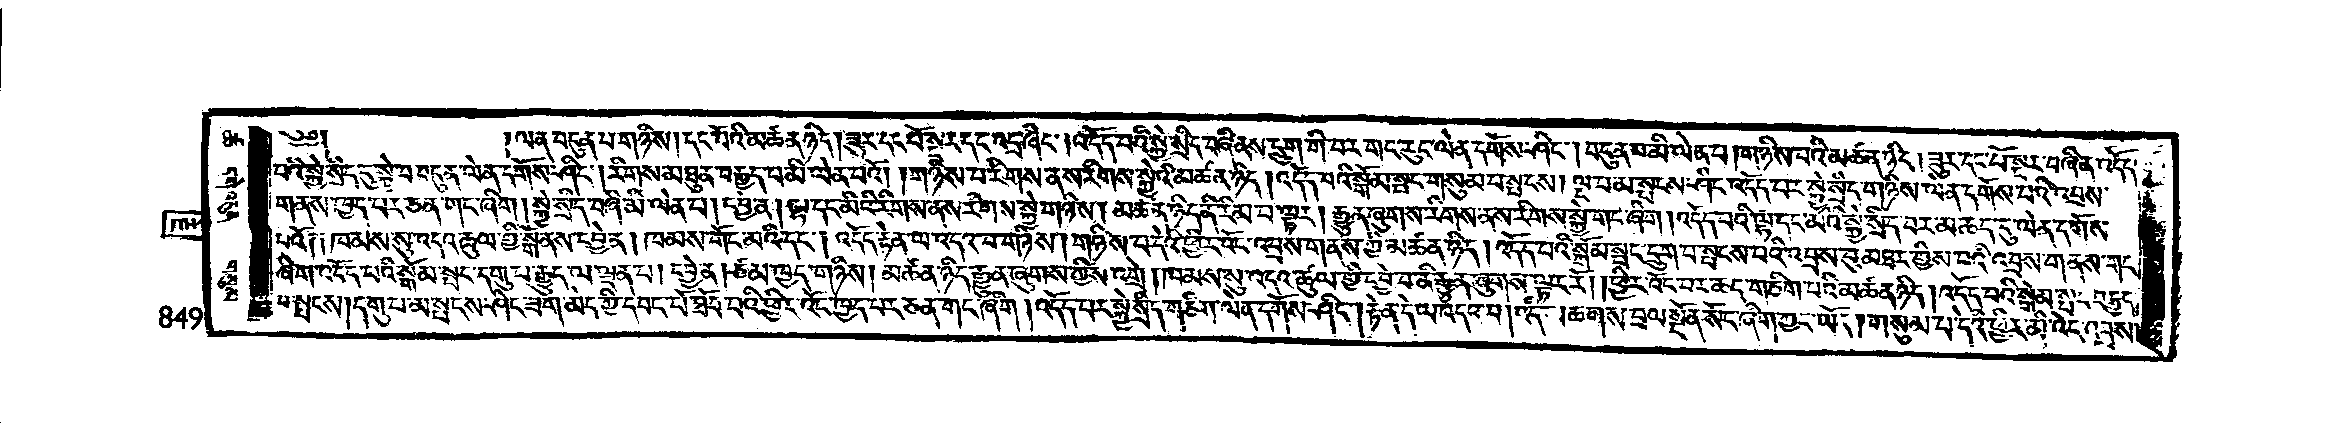༄༅། །ལན་བདུན་པ་གཉིས། དང་པོའི་མཚན་ཉིད། ཟུར་དང་པོ་སྔར་དང་འདྲ་ཞིང་། འདོད་པའི་སྐྱེ་སྲིད་བཞི་ནས་དྲུག་གི་བར་གང་རུང་ལེན་དགོས་ཤིང་། བདུན་པ་མི་ལེན་པ། གཉིས་པའི་མཚན་ཉིད། ཟུར་དང་པོ་སྔར་བཞིན་འདོད་
པའི་སྐྱེ་སྲིད་དུ་སྐྱེ་བ་བདུན་ལེན་དགོས་ཤིང་། རིགས་མཐུན་བརྒྱད་པ་མི་ལེན་པའོ། །གཉིས་པ་རིགས་ནས་རིགས་སྐྱེའི་མཚན་ཉིད། འདོད་པའི་སྒོམ་སྤང་གསུམ་པ་སྤངས། ལྔ་པ་མ་སྤངས་ཤིང་འདོད་པར་སྐྱེ་སྲིད་གཉིས་ལེན་དགོས་པའི་འབྲས་
གནས་ཁྱད་པར་ཅན་གང་ཞིག །སྐྱེ་སྲིད་བཞི་མི་ལེན་པ། དབྱེ་ན། ལྷ་དང་མིའི་རིགས་ནས་རིགས་སྐྱེ་གཉིས། མཚན་ཉིད་ནི་རིམ་པ་ལྟར། རྒྱུན་ཞུགས་རིགས་ནས་རིགས་སྐྱེ་གང་ཞིག །འདོད་པའི་ལྷ་དང་མིའི་སྐྱེ་སྲིད་བར་མ་ཆད་དུ་ལེན་དགོས་
པའོ༑ ༑ཁམས་སུ་འདའ་ཚུལ་གྱི་སྒོ་ནས་དབྱེ་ན། ཁམས་གོང་མའི་དང་། འདོད་རྟེན་ལ་འདའ་བ་གཉིས། གཉིས་པ་དེའི་ཕྱིར་འོང་འབྲས་གནས་ཀྱི་མཚན་ཉིད། འདོད་པའི་སྒོམ་སྤང་དྲུག་པ་སྤངས་པའི་འབྲས་བུ་མཐར་གྱིས་པའི་འབྲས་གནས་གང་
ཞིག་འདོད་པའི་སྒོམ་སྤང་དགུ་པ་རྒྱུད་ལ་ལྡན་པ། དབྱེ་ན། ཙམ་ཁྱད་གཉིས། མཚན་ཉིད་རྒྱུན་ཞུགས་ཀྱིས་འགྲེ། ཁམས་སུ་འདའ་ཚུལ་གྱི་དབྱེ་བ་ནི་རྒྱུན་ཞུགས་ལྟར་རོ། །ཕྱིར་འོང་བར་ཆད་གཅིག་པའི་མཚན་ཉིད། འདོད་པའི་སྒོམ་སྤང་བརྒྱད་
པ་སྤངས། དགུ་པ་མ་སྤངས་ཤིང་ཟག་མེད་ཀྱི་དབང་པོ་ཐོབ་པའི་ཕྱིར་འོང་ཁྱད་པར་ཅན་གང་ཞིག །འདོད་པར་སྐྱེ་སྲིད་གཅིག་ལེན་དགོས་ཤིང་། རྟེན་དེ་ལ་འདའ་བ། འདི་ལ་ཆགས་བྲལ་སྔོན་སོང་ཞིག་ཀྱང་ཡོད། གསུམ་པ་དེའི་ཕྱིར་མི་འོང་འབྲས་